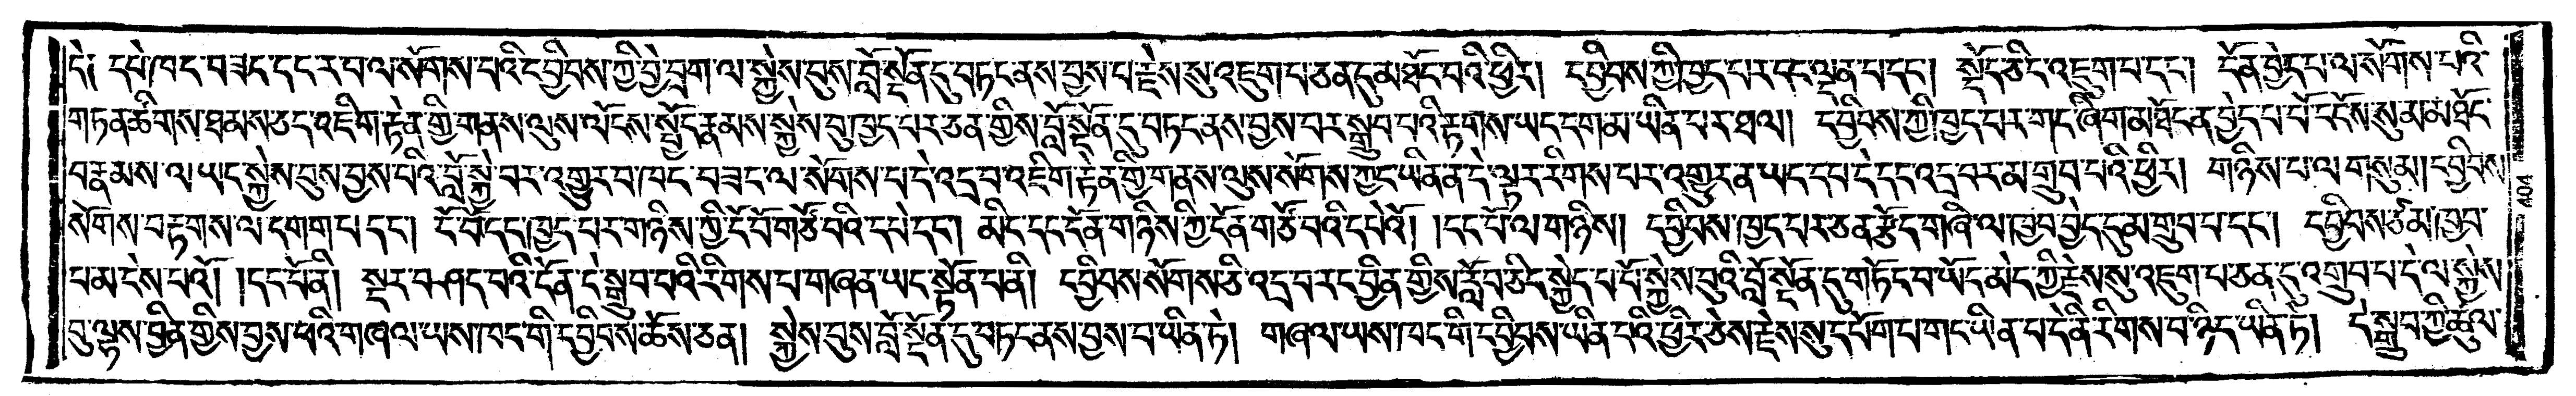དེ༑ དཔེ་ཁང་བཟང་དང་ར་བ་ལ་སོགས་པའི་དབྱིབས་ཀྱི་བྱེ་བྲག་ལ་སྐྱེས་བུས་བློ་སྔོན་དུ་བཏང་ནས་བྱས་པ་རྗེས་སུ་འཇུག་པ་ཅན་དུ་མཐོང་བའི་ཕྱིར། དབྱིབས་ཀྱི་ཁྱད་པར་དང་ལྡན་པ་དང་། སྡོད་ཅིང་འཇུག་པ་དང་། དོན་བྱེད་པ་ལ་སོགས་པའི་
གཏན་ཚིགས་ཐམས་ཅད་འཇིག་རྟེན་གྱི་གནས་ལུས་ལོངས་སྤྱོད་རྣམས་སྐྱེས་བུ་ཁྱད་པར་ཅན་གྱིས་བློ་སྔོན་དུ་བཏང་ནས་བྱས་པར་སྒྲུབ་པའི་རྟགས་ཡང་དག་མ་ཡིན་པར་ཐལ། དབྱིབས་ཀྱི་ཁྱད་པར་གང་ཞིག་མཐོང་ན་བྱེད་པ་པོ་དངོས་སུ་མ་མཐོང་
བ་རྣམས་ལ་ཡང་སྐྱེས་བུས་བྱས་པའི་བློ་སྐྱེ་བར་འགྱུར་བ་ཁང་བཟང་ལ་སོགས་པ་དེ་འདྲ་བ་འཇིག་རྟེན་གྱི་གནས་ལུས་སོགས་ཀྱང་ཡིན་ན་དེ་ལྟར་རིགས་པར་འགྱུར་ན་ཡང་དཔེ་དེ་དང་འདྲ་བར་མ་གྲུབ་པའི་ཕྱིར། གཉིས་པ་ལ་གསུམ། དབྱིབས་
སོགས་བརྟགས་ལ་དགག་པ་དང་། ངོ་བོ་དང་ཁྱད་པར་གཉིས་ཀྱི་ངོ་བོ་གཙོ་བའི་དཔེ་དང་། མིང་དང་དོན་གཉིས་ཀྱི་དོན་གཙོ་བའི་དཔེའོ། །དང་པོ་ལ་གཉིས། དབྱིབས་ཁྱད་པར་ཅན་རྩོད་གཞི་ལ་ཁྱབ་བྱེད་དུ་མ་གྲུབ་པ་དང་། དབྱིབས་ཙམ་ཁྱབ་
པ་མ་ངེས་པའོ། །དང་པོ་ནི། སྔར་བཤད་པའི་དོན་དེ་སྒྲུབ་པའི་རིགས་པ་གཞན་ཡང་སྟོན་པ་ནི། དབྱིབས་སོགས་ཅི་འདྲ་བ་རང་བྱིན་གྱིས་རློབ་ཅིང་སྐྱེད་པ་པོ་སྐྱེས་བུའི་བློ་སྔོན་དུ་གཏོང་བ་ཡོད་མེད་ཀྱི་རྗེས་སུ་འཇུག་པ་ཅན་དུ་འགྲུབ་པ་དེ་ལ་སྐྱེས་
བུ་ལྷས་བྱིན་གྱིས་བྱས་པའི་གཞལ་ཡས་ཁང་གི་དབྱིབས་ཆོས་ཅན། སྐྱེས་བུས་བློ་སྔོན་དུ་བཏང་ནས་བྱས་པ་ཡིན་ཏེ། གཞལ་ཡས་ཁང་གི་དབྱིབས་ཡིན་པའི་ཕྱིར་ཅེས་རྗེས་སུ་དཔོག་པ་གང་ཡིན་པ་དེ་ནི་རིགས་པ་ཉིད་ཡིན་ཏེ། དེ་སྒྲུབ་ཀྱི་ཚུལ་